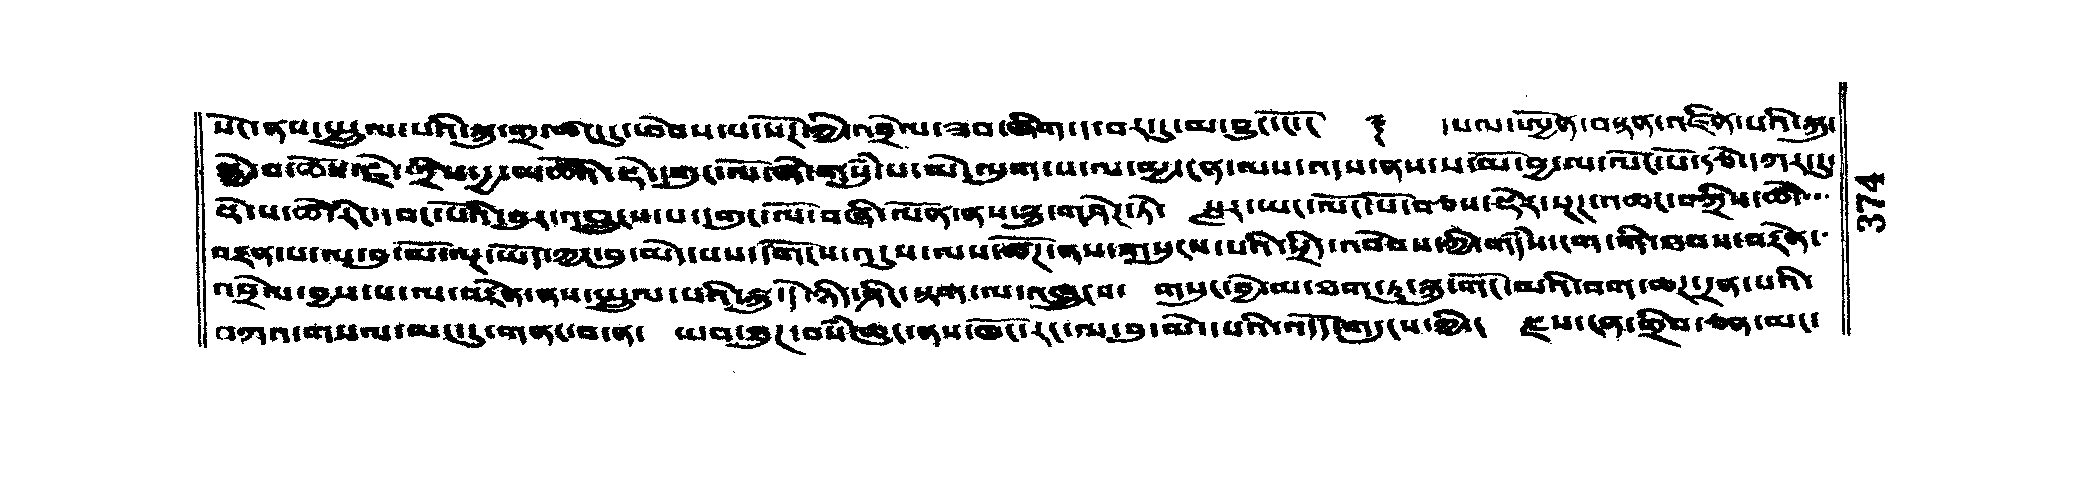སོང་ནས་སྤྲུལ་པའི་སྐུ་གྲྭ་ཚང་དུ་ཕེབས་པ་སོགས་ཀྱི་འབྲེལ་ཟབ་ཞིག་ད་བར་དུ་མ་བྱུང་ངོ་། ༈ དཔལ་ཨོ་རྒྱན་བསྟན་འཛིན་པའི་སྐུ་
སྐྱེ་ཆོས་རྗེ་ཕྲིན་ལས་རྒྱ་མཚོའི་སྡེ་དགུང་ལོ་ཞེ་གསུམ་པ་མེ་ལུག་པ་ལ་མྱ་ངན་ལས་འདས་ནས་ས་མོ་བྱ་ལ་ལོང་པོ་རྩེ་དཀར་དུ་
སྡེ་པ་ཚེ་རིང་དབང་པོའི་བུར་འཁྲུངས་པ་དགུང་ལོ་བཞི་ལོན་ནས་སྐུ་གཤེགས་ཏེ། སླར་ཡང་ལོང་པོ་བཅས་སྡེར་སྔགས་འཆང་བཀྲ་ཤིས་ཚེ་
བརྟན་པ་ལ་བུ་མོ་ལྔ་ཡོད་ཀྱང་བུ་མེད་པས་དགོངས་འདུས་ལས་ཚོགས་ནས་གསུངས་པའི་སྲིད་འབེབས་ཀྱི་གདམས་ངག་གི་ཐབས་རྟེན་
འབྲེལ་བྱས་པ་ལ་བརྟེན་ནས་སྤྲུལ་པའི་སྐུ་དེ་ཉིད་ཤིང་སྟག་ལ་འཁྲུངས། གསུང་བྱེ་མ་ཐག་ཏུ་སྐུ་གོང་མའི་བག་ཆགས་དྲན་པའི་
བཀའ་གསལ་མང་དུ་གནང་བ་ན། ཡབ་ཐུགས་བསམ་ཆུང་ནས་ཁོང་རང་ལ་བུ་མེད་པའི་འདོད་གདུངས་ཀྱི། རྫས་ངན་གྲིབ་ཅན་མང་